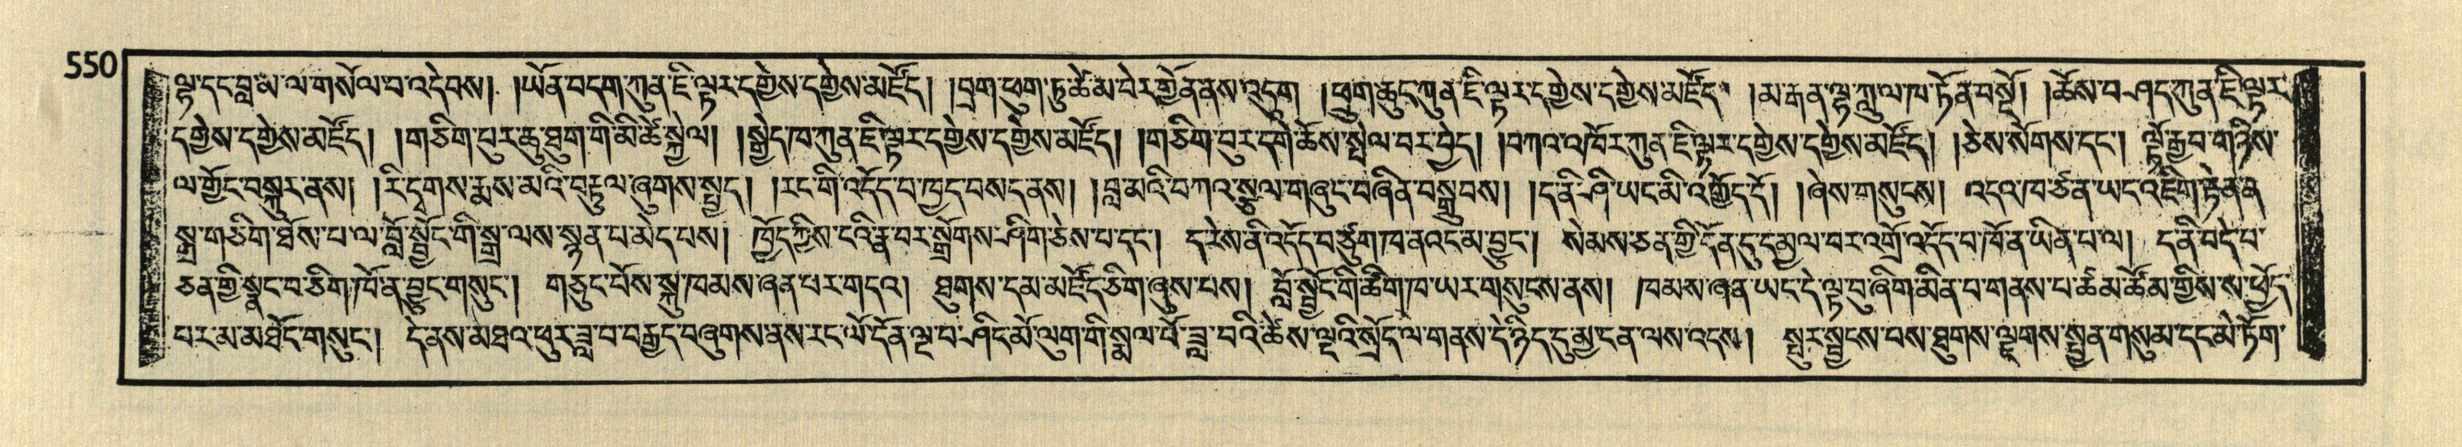ལྷ་དང་བླ་མ་ལ་གསོལ་བ་འདེབས། །ཡོན་བདག་ཀུན་ཇི་ལྟར་དགྱེས་དགྱེས་མཛོད། །བྲག་ཕུག་ཏུ་ཚེམ་བེར་གྱོན་ནས་འདུག །ཕྲུག་ཆུང་ཀུན་ཇི་ལྟར་དགྱེས་དགྱེས་མཛོད། །མ་རྒན་ལྷ་ཀླུ་ལ་ཁ་ཏོན་བསྔོ། །ཆོས་བཤད་ཀུན་ཇི་ལྟར་
དགྱེས་དགྱེས་མཛོད། །གཅིག་པུར་ཆུ་ཐུག་གི་མི་ཚེ་སྐྱེལ། །སྒྱེད་ཁ་ཀུན་ཇི་ལྟར་དགྱེས་དགྱེས་མཛོད། །གཅིག་བུར་དགེ་ཆོས་སྤེལ་བར་བྱེད། །བཀའ་འཁོར་ཀུན་ཇི་ལྟར་དགྱེས་དགྱེས་མཛོད། །ཅེས་སོགས་དང་། ལྟོ་རྒྱབ་གཉིས་
ལ་གྱོང་བསྐུར་ནས། །རི་དྭགས་རྨས་མའི་བརྟུལ་ཞུགས་སྤྱད། །རང་གི་འདོད་པ་ཁྱད་བསད་ནས། །བླ་མའི་བཀའ་སྩལ་གཞུང་བཞིན་བསྒྲུབས། །ད་ནི་ཤི་ཡང་མི་འགྱོད་དོ། །ཞེས་གསུངས། འདའ་ཁ་ཙ་ན་ཡང་འཇིག་རྟེན་ན་
སྒྲ་གཅིག་ཐོས་པ་ལ་བློ་སྦྱོང་གི་སྒྲ་ལས་སྙན་པ་མེད་པས། ཁྱོད་ཀྱིས་ངའི་རྣ་བར་སྒྲོགས་ཤིག་ཅེས་པ་དང་། ད་རེས་ནི་འདོད་བཙུག་ཁ་ནའང་མ་བྱུང་། སེམས་ཅན་གྱི་དོན་དུ་དམྱལ་བར་འགྲོ་འདོད་པ་ཁོ་ན་ཡིན་པ་ལ། ད་ནི་བདེ་པ་
ཅན་གྱི་སྣང་བ་ཅིག་ཁོ་ན་བྱུང་གསུང་། གཅུང་པོས་སྐུ་ཁམས་ཞན་པར་གདའ། ཐུགས་དམ་མཛོད་ཅིག་ཞུས་པས། བློ་སྦྱོང་གི་ཚིག་ཁ་ཡར་གསུངས་ནས། ཁམས་ཞན་ཡང་དེ་ལྟ་བུ་ཞིག་མིན་བ་གནས་པ་ཚམ་ཚོམ་གྱིས་ས་ཕྱོད་
བར་མ་མཐོང་གསུང་། དེ་ནས་མཐའ་ཕུར་ཟླ་བ་བརྒྱད་བཞུགས་ནས་རང་ལོ་དོན་ལྔ་བ་ཤིང་མོ་ལུག་གི་སྨལ་པོ་ཟླ་བའི་ཚེས་ལྔའི་སྲོད་ལ་གནས་དེ་ཉིད་དུ་མྱ་ངན་ལས་འདས། སྤུར་སྦྱངས་པས་ཐུགས་ལྗགས་སྤྱན་གསུམ་དང་མེ་ཏོག་